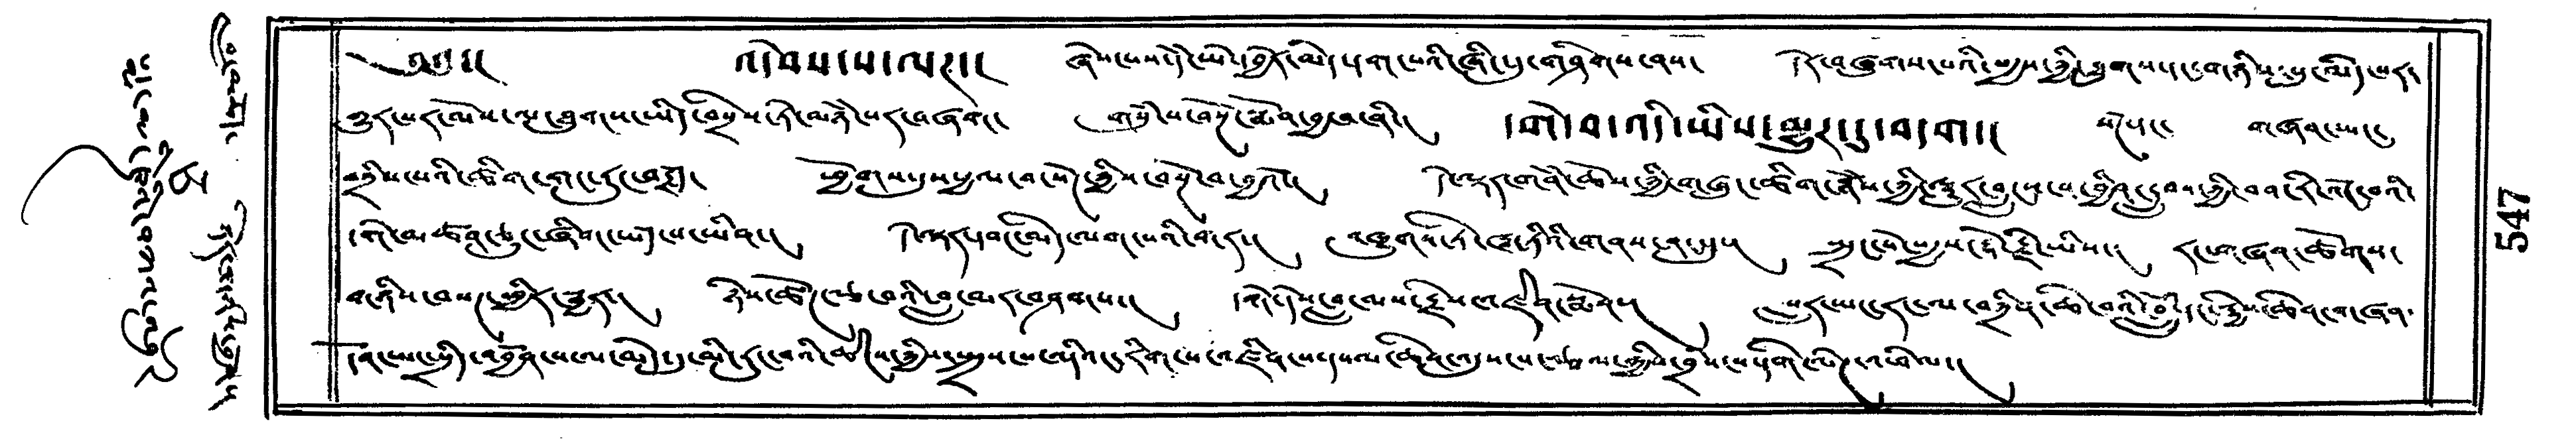འདེབས་པ་ལགས། ཞེས་པས་དམ་ཡེ་དབྱེར་མེད་དག་པའི་ཞིང་དུ་གཤེགས་ནས། དེར་བཞུགས་པའི་སངས་རྒྱས་ཀྱི་ཐུགས་དང་གཉིས་སུ་མེད་པར་
གྱུར་པར་མོས་ལ་ཐུགས་ཡིད་བསྲེས་ཏེ་མཉམ་པར་གཞག གསུམ་པ་བསྔོ་སྨོན་བྱ་བ་ནི། དགེ་བ་འདི་ཡིས་མྱུར་དུ་བདག སོགས་དང་། གཞན་ཡང་
བཀྲ་ཤིས་པའི་ཚིག་གང་རུང་བརྗོད། ཕྱོགས་དུས་རྒྱལ་བ༴ སོགས་ཀྱིས་བསྔོ་བ་བྱའོ། དེ་ལྟར་གནམ་ཆོས་ཀྱི་གཞུང་ཚིག་རྣམས་ཀྱི་ལྷུ་བླངས་པ་འདི་ལ་བྱིན་རླབས་ཀྱི་བབ་རེ་འོང་བའི་
དགེ་མཚན་ཅུང་ཞིག་ཡོད་པ་ཡིན། དེ་ལྟར་དབང་མེད་ལག་པའི་གར། །འཁྱུགས་ཏེ་ཝ་ཏིའི་གནས་ནང་དུ། །སྤྲང་པོ་སངས་རྒྱས་རྡོ་རྗེ་ཡིས། །རང་གཞན་ཚོགས་
གཉིས་བསོག་ཕྱིར་སྦྱར། །ཉེས་ཚོགས་རྩ་བའི་བླ་མར་བཤགས། །དགེ་དེས་བླ་མས་རྗེས་འཛིན་སྨོན། །སླར་ཡང་རང་ལ་བཀའ་དྲིན་ཆེ་བའི་བླ་མ་དང་སྐྱེས་ཆེན་གཞན་
དོན་ཡང་སྲིད་འབྱོན་པ་ལ་མེད་དུ་མི་རུང་བའི་ཆིངས་ཀྱིས་སྤྲས་པ་འདིའང་རིག་པ་འཛིན་པ་དཔལ་ཆེན་འདུས་པ་རྩལ་གྱིས་བྲིས་པ་དགེ་ལེགས་འཕེལ།། བཀྲ་ཤིས།།